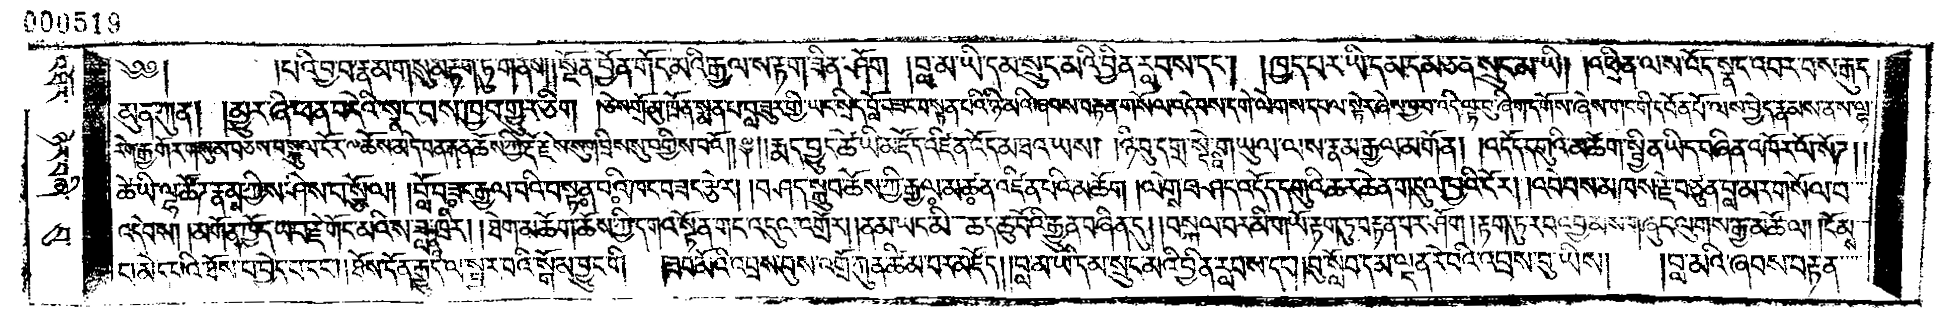༄༅། །པའི་བྱ་བ་རྣམ་གསུམ་རྟག་ཏུ་གནས། །སྔོན་བྱོན་གོང་མའི་རྒྱལ་ས་རྟག་ཟིན་ཤོག །བླ་མ་ཡི་དམ་སྲུང་མའི་བྱིན་རླབས་དང་། །ཁྱད་པར་ཡི་དམ་དམ་ཅན་སྲུང་མ་ཡི། །འཕྲིན་ལས་འོད་སྣང་འབར་བས་རྒུད་
མུན་ཀུན། །མྱུར་ཞི་ཕན་བདེའི་སྣང་བས་ཁྱབ་གྱུར་ཅིག །ཅེས་གྲོ་མུ་ཁྲོན་སྨན་པ་བླ་ཟུར་གྱི་ཡང་སྲིད་བློ་བཟང་བསྟན་པའི་ཉི་མའི་ཞབས་བརྟན་གསོལ་འདེབས་དགེ་ལེགས་དཔལ་སྟེར་ཞེས་བྱ་བ་འདི་ལྟ་བུ་ཞིག་དགོས་ཞེས་གང་གི་དཔོན་པོ་ལས་བྱེད་རྣམས་ནས་ལྷ་
རེག་རྒྱ་གོར་གསུམ་བཅས་བསྐུལ་ངོར་༧་ཆོས་མེད་བན་རྒན་ཆོས་ཀྱི་རྡོ་རྗེས་སུག་བྲིས་སུ་བགྱིས་པའོ།། ༈ །།རྨད་བྱུང་ཚེ་ཡི་མཛོད་འཛིན་འོད་མཐའ་ཡས། །ཉི་བུ་དགྲ་སྡེའི་གཡུལ་ལས་རྣམ་རྒྱལ་མགོན། །འདོད་དགུའི་མཆོག་སྦྱིན་ཡིད་བཞིན་འཁོར་ལོ་སོགས། །
ཚེ་ཡི་ལྷ་ཚོགས་རྣམས་ཀྱིས་ཤིས་པ་སྩོལ། །བློ་བཟང྾་རྒྱལ་བའི་བསྟན྾་པའི྾་ཁང་བཟང་རྩེར། །བཤད་སྒྲུབ་ཆོས་ཀྱི་རྒྱལ྾་མཚན྾་འཛིན་པའི་མཆོག །ལེགས་བཤད་འདོད་དགུའི་ཆར་ཆེན་གདུལ་བྱའི་ངོར། །འབེབས་མཁས་རྗེ་བཙུན་བླ་མར་གསོལ་བ་
འདེབས། །མགོན་ཁྱོད་ཡབ་རྗེ་གོང་མའི་ས་ཟླའི་ཁྲིར། །ཐེག་མཆོག་ཆོས་ཀྱི་དགའ་སྟོན་གང་འདུལ་འགྲོར། །ནམ་ཡང་མི་ཆད་ཆུ་བོའི་རྒྱུན་བཞིན་དུ། །བསྐལ་བར་མི་གཡོ་རྟག་ཏུ་བརྟན་པར་ཤོག །རྟག་ཏུ་རབ་འབྱམས་གཞུང་ལུགས་རྒྱ་མཚོ་ལ། །ངོམས་
པ་མེད་པའི་ཐོས་པ་བྱེད་པ་དང་། །ཐོས་དོན་རྒྱུད་ལ་སྦྱར་བའི་སྒོམ་བྱུང་གི །ཟབ་མོའི་འབྲས་བུས་འགྲོ་ཀུན་ཚིམ་པར་མཛོད། །བླ་མ་ཡི་དམ་སྲུང་མའི་བྱིན་རླབས་དང་། །བུ་སློབ་དམ་ལྡན་རེ་བའི་འབྲས་བུ་ཡིས། །བླ་མའི་ཞབས་བརྟན་